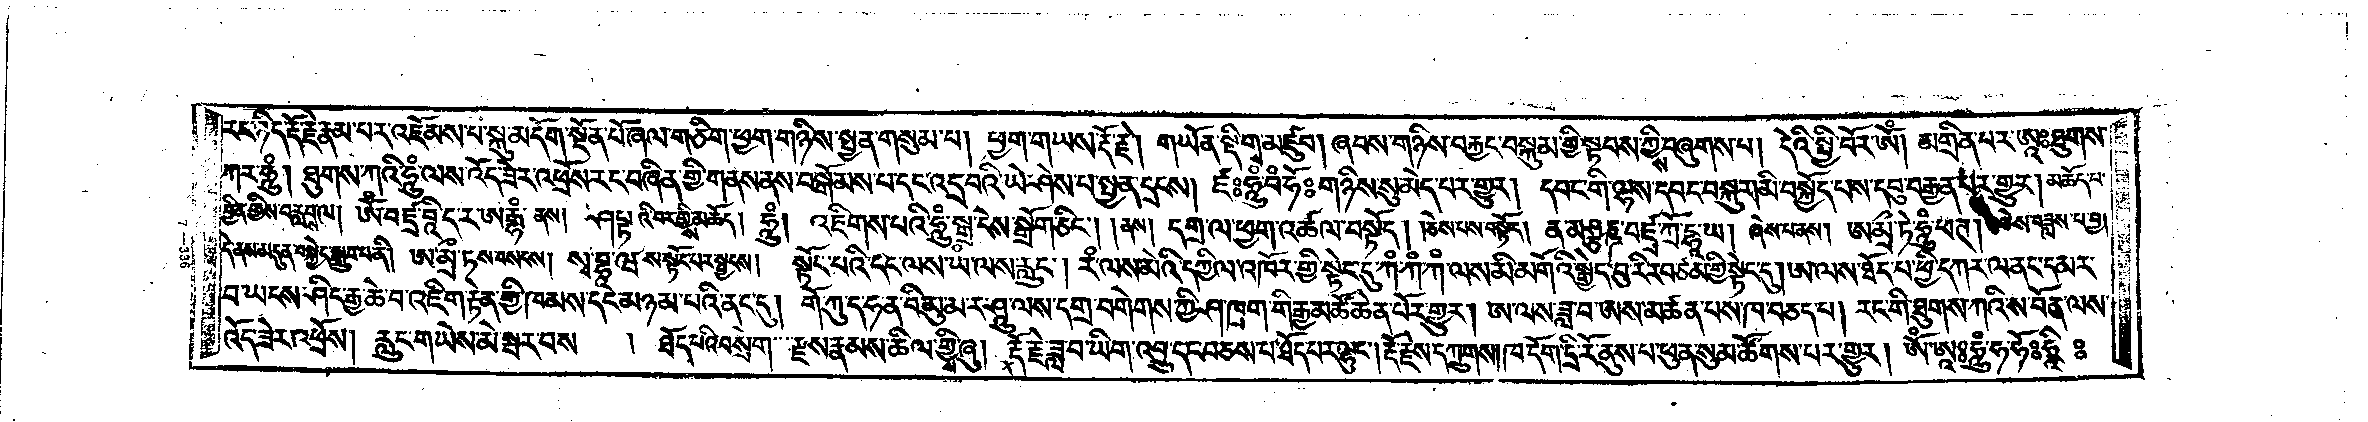རང་ཉིད་རྡོ་རྗེ་རྣམ་པར་འཇོམས་པ་སྐུ་མདོག་སྔོན་པོ་ཞལ་གཅིག་ཕྱག་གཉིས་སྤྱན་གསུམ་པ། ཕྱག་གཡས་རྡོ་རྗེ། གཡོན་སྡིག་མཛུབ། ཞབས་གཉིས་བརྐྱང་བསྐུམ་གྱི་སྟབས་ཀྱིས་བཞུགས་པ། དེའི་སྤྱི་བོར་ཨོཾ། མགྲིན་པར་ཨཱཿཐུགས་
ཀར་ཧཱུཾ། ཐུགས་ཀའི་ཧཱུཾ་ལས་འོད་ཟེར་འཕྲོས་རང་བཞིན་གྱི་གནས་ནས་བསྒོམས་པ་དང་འདྲ་བའི་ཡེ་ཤེས་པ་སྤྱན་དྲངས། ཛཿཧཱུཾ་བཾ་ཧོཿ གཉིས་སུ་མེད་པར་གྱུར། དབང་གི་ལྷས་དབང་བསྐུར། མི་བསྐྱོད་པས་དབུ་བརྒྱན་པར་གྱུར། མཆོད་པ་
བྱིན་གྱིས་བརླབས་ལ། ཨོཾ་བཛྲ་བྵི་ད་ར་ཨརྒྷཾ་ནས། ཤཔྟའི་བར་གྱིས་མཆོད། ཧཱུཾ༑ འཇིགས་པའི་ཧཱུཾ་སྒྲ་ངེས་སྒྲོག་ཅིང་། །ནས། དགྲ་ལ་ཕྱག་འཚལ་བསྟོད། །ཅེས་པས་བསྟོད།  ན་མཤྕཎྜ་བཛྲ་ཀྲོ་དྷཱ་ཡ། ཞེས་པ་ནས།  ཨམྲྀ་ཏེ་ཧཱུཾ་ཕཊ། ཅེས་བཟླས་པ་བྱ།
དེ་ནས་མདུན་བསྐྱེད་སྒྲུབ་པ་ནི། ཨ་མྲྀ་ཏས་བསངས། སྭ་བྷཱ་ཝས་སྟོང་པར་སྦྱངས། སྟོང་པའི་ངང་ལས་ཡཾ་ལས་རླུང་། རཾ་ལས་མེའི་དཀྱིལ་འཁོར་གྱི་སྟེང་དུ་ཀཾ་ཀཾ་ཀཾ་ལས་མི་མགོའི་སྒྱེད་པུ་རི་རབ་ཙམ་གྱི་སྟེང་དུ། ཨ་ལས་ཐོད་པ་ཕྱི་དཀར་ལ་ནང་དམར་
བ་ཡངས་ཤིང་རྒྱ་ཆེ་བ་འཇིག་རྟེན་གྱི་ཁམས་དང་མཉམ་པའི་ནང་དུ། གོ་ཀུ་ད་ཧ་ན་བི་མུ་མ་ར་ཤཱུ་ལས་དགྲ་བགེགས་ཀྱི་ཤ་ཁྲག་གི་རྒྱ་མཚོ་ཆེན་པོར་གྱུར། ཨ་ལས་ཟླ་བ་ཨས་མཚན་པས་ཁ་བཅད་པ། རང་གི་ཐུགས་ཀའི་ས་བོན་ལས་
འོད་ཟེར་འཕྲོས། རླུང་གཡོས་མེ་སྦར་བས། ཐོད་པའི་བསྲེག་རྫས་རྣམས་ཆིལ་གྱིས་ཞུ། རྡོ་རྗེ་ཟླ་བ་ཡིག་འབྲུ་དང་བཅས་པ་ཐོད་པར་ལྷུང་། རྡོ་རྗེས་དཀྲུགས། ཁ་དོག་དྲི་རོ་ནུས་པ་ཕུན་སུམ་ཚོགས་པར་གྱུར། ཨོཾ་ཨཱཿཧཱུཾ་ཧ་ཧོཿཧྲཱིཿ